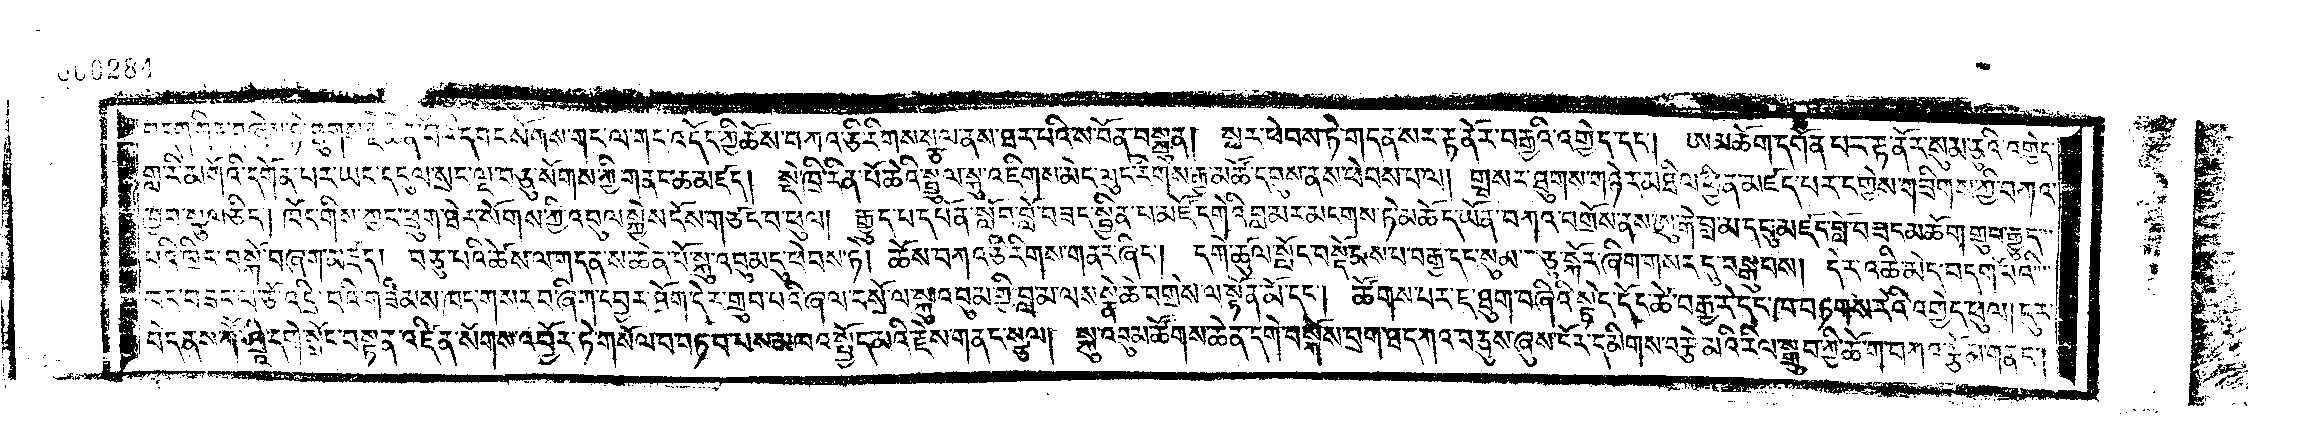བདག་གིར་བཞེས་ཏེ་ཐུགས་རྗེ་ཆེན་པོའི་དབང་སོགས་གང་ལ་གང་འདོད་ཀྱི་ཆོས་བཀའ་ཅི་རིགས་སྩལ་ནས་ཐར་པའི་ས་བོན་བསྐྲུན། སླར་ཕེབས་ཏེ་གདན་སར་རྟ་ནོར་བརྒྱའི་འགྱེད་དང་། ཨ་མཆོག་དགོན་པར་རྟ་ནོར་སུམ་ཅུའི་འགྱེད།
གླ་རི་མགོའི་དགོན་པར་ཡང་དངུལ་སྲང་ལྔ་བཅུ་སོགས་ཀྱི་གནང་ཆ་མཛད། སྡེ་ཁྲི་རིན་པོ་ཆེའི་སྤྲུལ་སྐུ་འཇིགས་མེད་ལུང་རིགས་རྒྱ་མཚོ་དབུས་ནས་ཕེབས་པ་ལ། གྲྭ་སར་ཐུགས་གཉེར་མཐིལ་ཕྱིན་མཛད་པར་དགྱེས་གཟིགས་ཀྱི་བཀའ་
ཁྱབ་སྩལ་ཅིང་། ཁོང་གིས་ཀྱང་ཕྲུག་ཐེར་སོགས་ཀྱི་འབུལ་སྐྱེས་ངོས་གཙང་བ་ཕུལ། རྒྱུད་པ་དཔོན་སློབ་བློ་བཟང་སྤྱིན་པ་མཛོ་དགེའི་བླ་མར་མངགས་ཏེ་མཆོད་ཡོན་བཀའ་བགྲོས་ནས་ཨུརྒེ་བླ་མ་དབུ་མཛད་བློ་བཟང་མཆོག་གྲུབ་རྒྱུད་
པའི་ཁྲིར་བསྐོ་བཞག་མཛད། བཅུ་པའི་ཚེས་ལ་གདན་ས་ཆེན་པོ་སྐུ་འབུམ་དུ་ཕེབས་ཏེ། ཆོས་བཀའ་ཅི་རིགས་གནང་ཞིང་། དགེ་ཚུལ་སློང་བསྡོམས་པ་བརྒྱ་དང་སུམ་ཅུ་སྐོར་ཞིག་གསར་དུ་བསྒྲུབས། དེར་འཆི་མེད་བདག་པོའི་
ཁང་བཟང་ལ་ཅོ་འདྲི་བའི་གཟིམས་ཁང་གསར་བ་ཞིག་དབྱར་ཐོག་དེར་གྲུབ་པའི་ཞལ་བསྲོ་ལ་སྐུ་འབུམ་གྱི་བླ་མ་ལས་སྣེ་ཆེ་བགྲེས་ལ་སྟོན་མོ་དང་། ཚོགས་པར་ཇ་ཐུག་བཞིའི་སྟེང་དོང་ཚེ་བརྒྱ་རེ་དང་ཁ་བཏགས་རེའི་འགྱེད་ཕུལ། དུར་
བདེ་ནས་ཀཽ་ཤྲཱི་དགེ་སློང་བསྟན་འཛིན་སོགས་འབྱོར་ཏེ་གསོལ་བ་བཏབ་པས་མཁའ་སྤྱོད་མའི་རྗེས་གནང་སྩལ། སྐུ་འབུམ་ཚོགས་ཆེན་དགེ་བསྐོས་བྲག་ཐ་དཀའ་བཅུས་ཞུས་ངོར་དམིགས་བརྩེ་མའི་རིལ་སྒྲུབ་ཀྱི་ཆོ་ག་བཀའ་རྩོམ་གནང་།